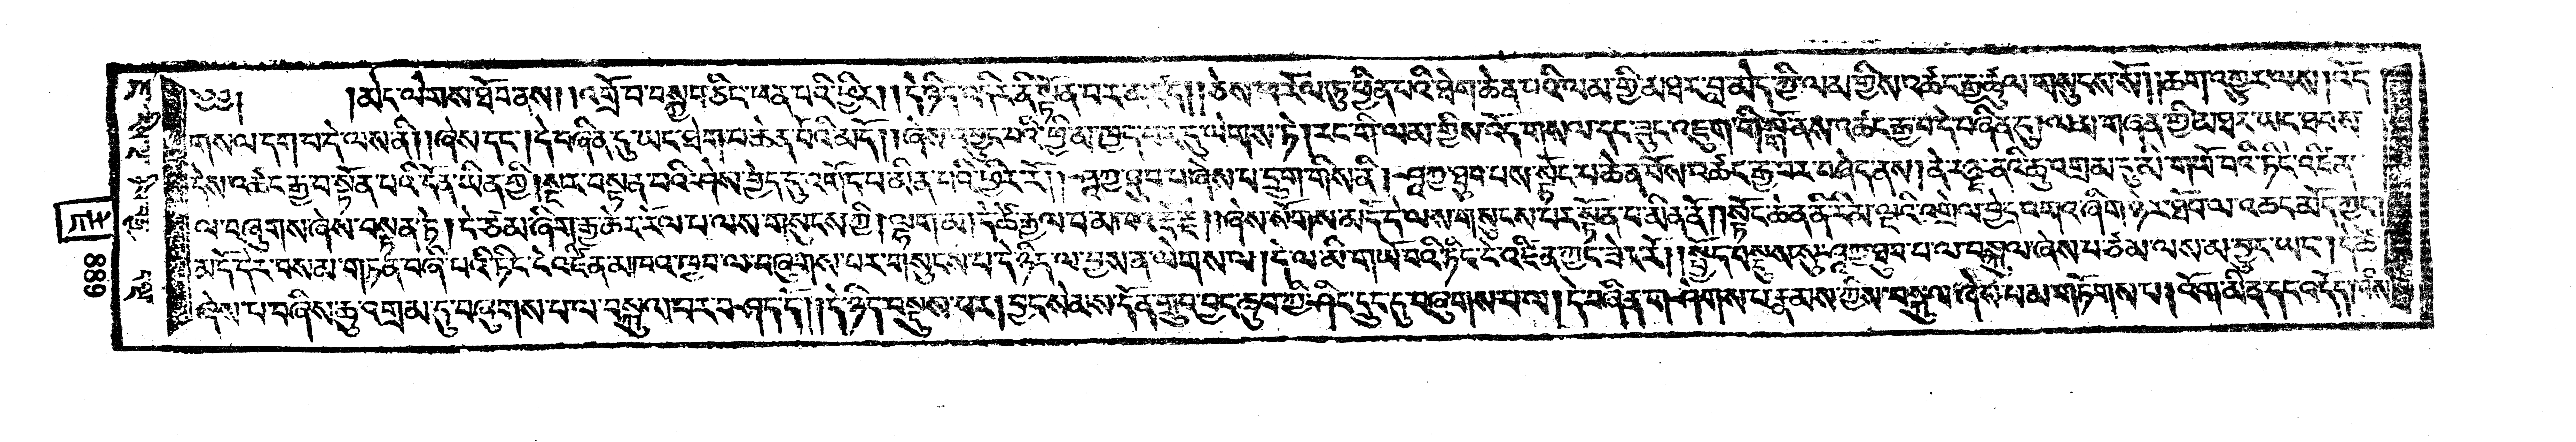༄༅། །མེད་ལེགས་ཐོབ་ནས། །འགྲོ་བ་བསྐྱབ་ཅིང་ཕན་པའི་ཕྱིར། །དེ་ཉིད་འདིར་ནི་སྟོན་པར་མཛད། །ཅེས་ཕ་རོལ་ཏུ་ཕྱིན་པའི་ཐེག་ཆེན་པའི་ལམ་གྱི་མཐར་བླ་མེད་ཀྱི་ལམ་གྱིས་འཚང་རྒྱ་ཚུལ་གསུངས་སོ། །ཆག་འགྱུར་ལས། འོད་
གསལ་དག་པ་དེ་ལས་ནི། །ཞེས་དང་། དེ་བཞིན་དུ་ཡང་ཐེག་པ་ཆེན་པོའི་མདོ། །ཞེས་འབྱུང་བའི་ཕྱི་མ་ཁྱད་པར་དུ་ལེགས་ཏེ། རང་གི་ལམ་གྱིས་འདེ་གསལ་དང་ཟུང་འཇུག་གི་སྒོ་ནས་འཚང་རྒྱ་བ་དེ་བཞིན་དུ། ལམ་གཞན་གྱི་མཐར་ཡང་ཐབས་
དེས་འཚང་རྒྱ་བ་སྟོན་པའི་དོན་ཡིན་གྱི། སྔར་བསྟན་པའི་ཤེས་བྱེད་དུ་འགོད་པ་མིན་པའི་ཕྱིར་རོ། །ཤཱཀྱ་ཐུབ་པ་ཞེས་པ་དྲུག་གིས་ནི། ཤཱཀྱ་ཐུབ་པས་སྟོང་པ་ཆེན་པོས་འཚང་རྒྱ་བར་བཞེད་ནས། ནེ་རཉྫ་ནའི་ཆུ་འགྲམ་དུ་མི་གཡོ་བའི་ཏིང་ངེ་འཛིན་
ལ་བཞུགས་ཞེས་བསྟན་ཏོ། དེ་ཙམ་ཞིག་རྒྱ་ཆེར་རོལ་པ་ལས་གསུངས་ཀྱི། ལྷག་མ། དེ་ཚེ་རྒྱལ་བ་མཁའ་རྡོ་རྗེ། །ཞེས་སོགས་མདོ་དེ་ལས་གསུངས་པར་སྟོན་པ་མིན་ནོ། །སྟོང་ཆེན་ནི་རིམ་ལྔའི་འགྲེལ་བྱེད་འགའ་ཞིག་ཉེར་ཐོབ་ལ་འཆད་མོད་ཀྱང་།
མདོ་དེར་བསམ་གཏན་བཞི་པའི་ཏིང་ངེ་འཛིན་མཁའ་ཁྱབ་ལ་བཞུགས་པར་གསུངས་པ་དེ་ཉིད་ལ་བྱས་ན་ལེགས་ལ། དེ་ལ་མི་གཡོ་བའི་ཏིང་ངེ་འཛིན་ཀྱང་ཟེར་རོ། །སྤྱོད་བསྡུས་སུ་ཤཱཀྱ་ཐུབ་པ་ལ་བསྐུལ་ཞེས་པ་ཙམ་ལས་མ་བྱུང་ཡང་། དེ་ཚེ་
ཞེས་པ་བཞིས་ཆུ་འགྲམ་དུ་བཞུགས་པ་ལ་བསྐུལ་བར་བཤད་དོ། །དེ་ཉིད་བསྡུས་པར། བྱང་སེམས་དོན་གྲུབ་བྱང་ཆུབ་ཀྱི་ཤིང་དྲུང་དུ་བཞུགས་པ་ལ། དེ་བཞིན་གཤེགས་པ་རྣམས་ཀྱིས་བསྐུལ་ཞེས་པ་མ་གཏོགས་པ། འོག་མིན་དང་འདོད་ཁམས་